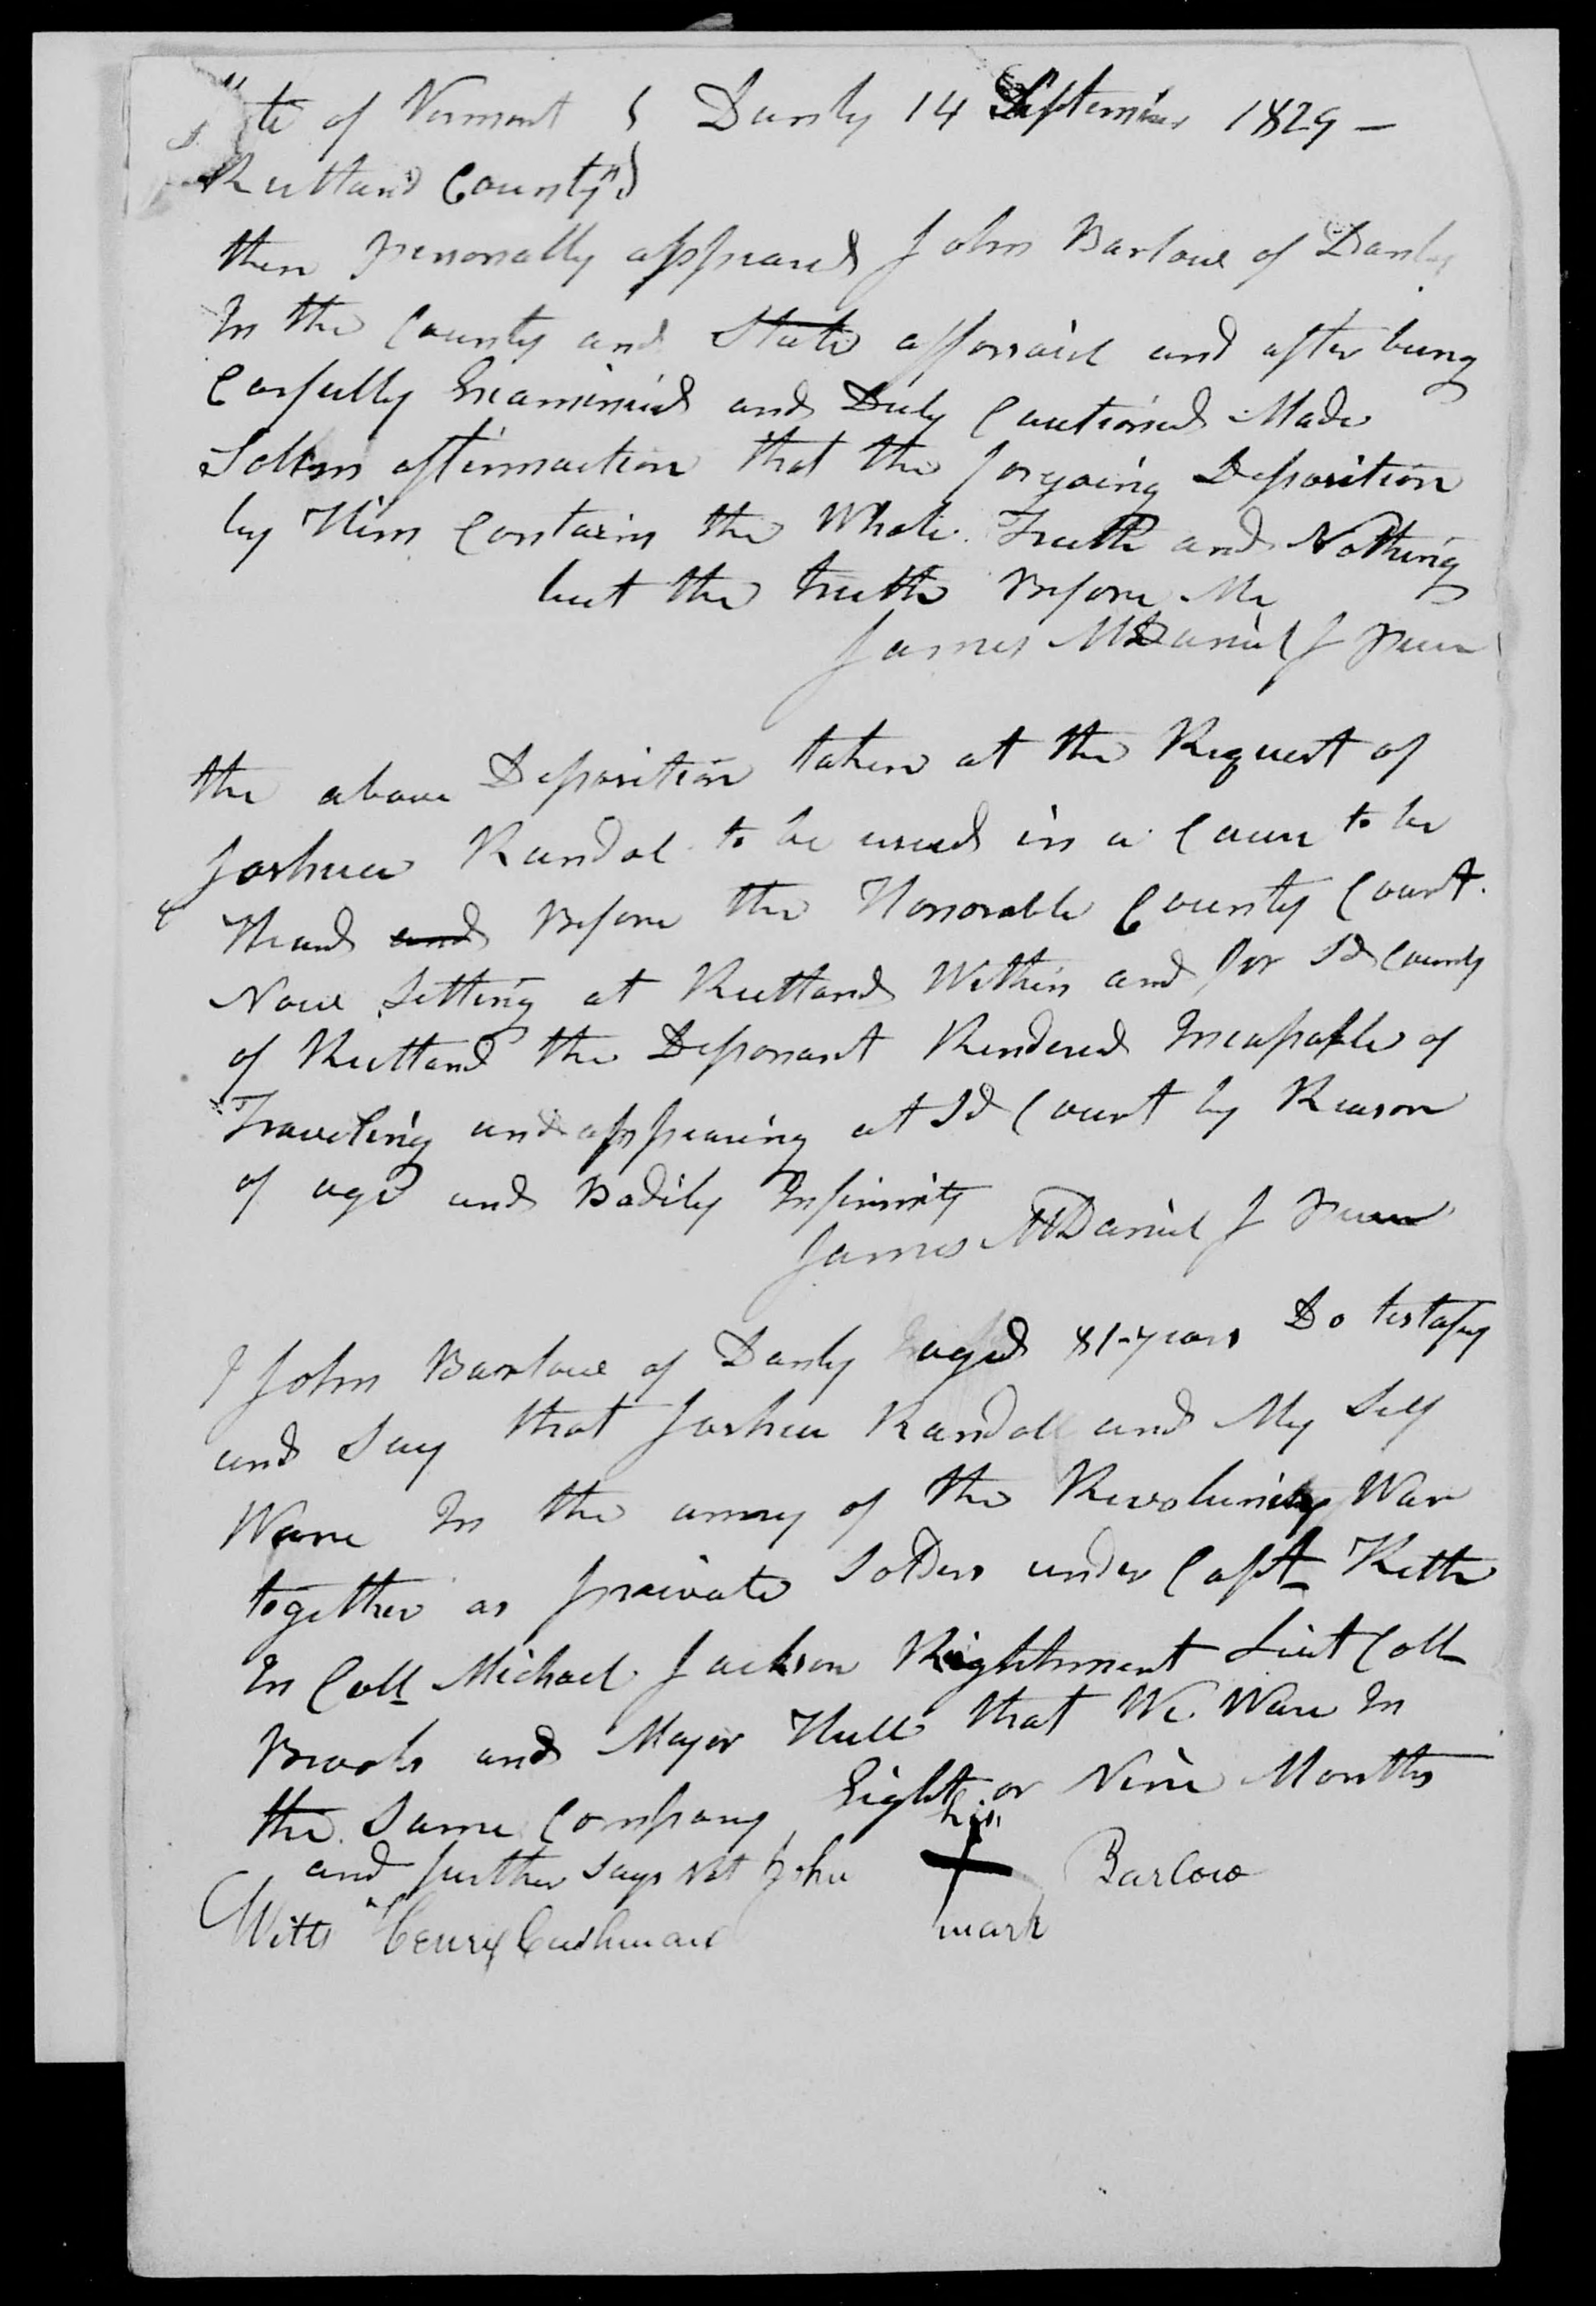State of Vermont Rutland County ss
Danby 14 September 1829 -
Then personally appeared John Barlow of Danby
In the County and State afforesaid and after being
carefully examined and duly cautioned made
Solemn affirmation that the foregoing Deposition
by him contains the whole truth and Nothing
but the truth. Before me
James McDaniel J. Peace

The above deposition taken at the Request of
Joshua Randal to be [used] in a Court
to be [Read] before the Honorable County Court
Now sitting at Rutland within and for sd County
of Rutland the Deponent rendered incapable of
Traveling and appearing at sd Court by Reason
of age and Bodily infirmity.
James McDaniel J Peace

John Barlow of Danby aged 81 years, Do testify
and say that Joshua Randall and my self
Were In the army of the Revolutionary War
together as private soldiers under Capt Keith
in Col Michael Jackson’s Regiment,  [with] Lieut Col
Brooks and Major Hull.That we were in the same
 Company Eight or nine months, and further says not.
 John Barlow his mark
Witt[ness] Henry Cushman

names: James Mc Daniel; John Bartoul; Henry Cushman; John Barlow; Joshua Randal; [BLANK] Brooks; [BLANK] Hull; [BLANK] Keth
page: 14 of 20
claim: survivor's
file: S. 41,090, for Joshua Randall, Massachusetts